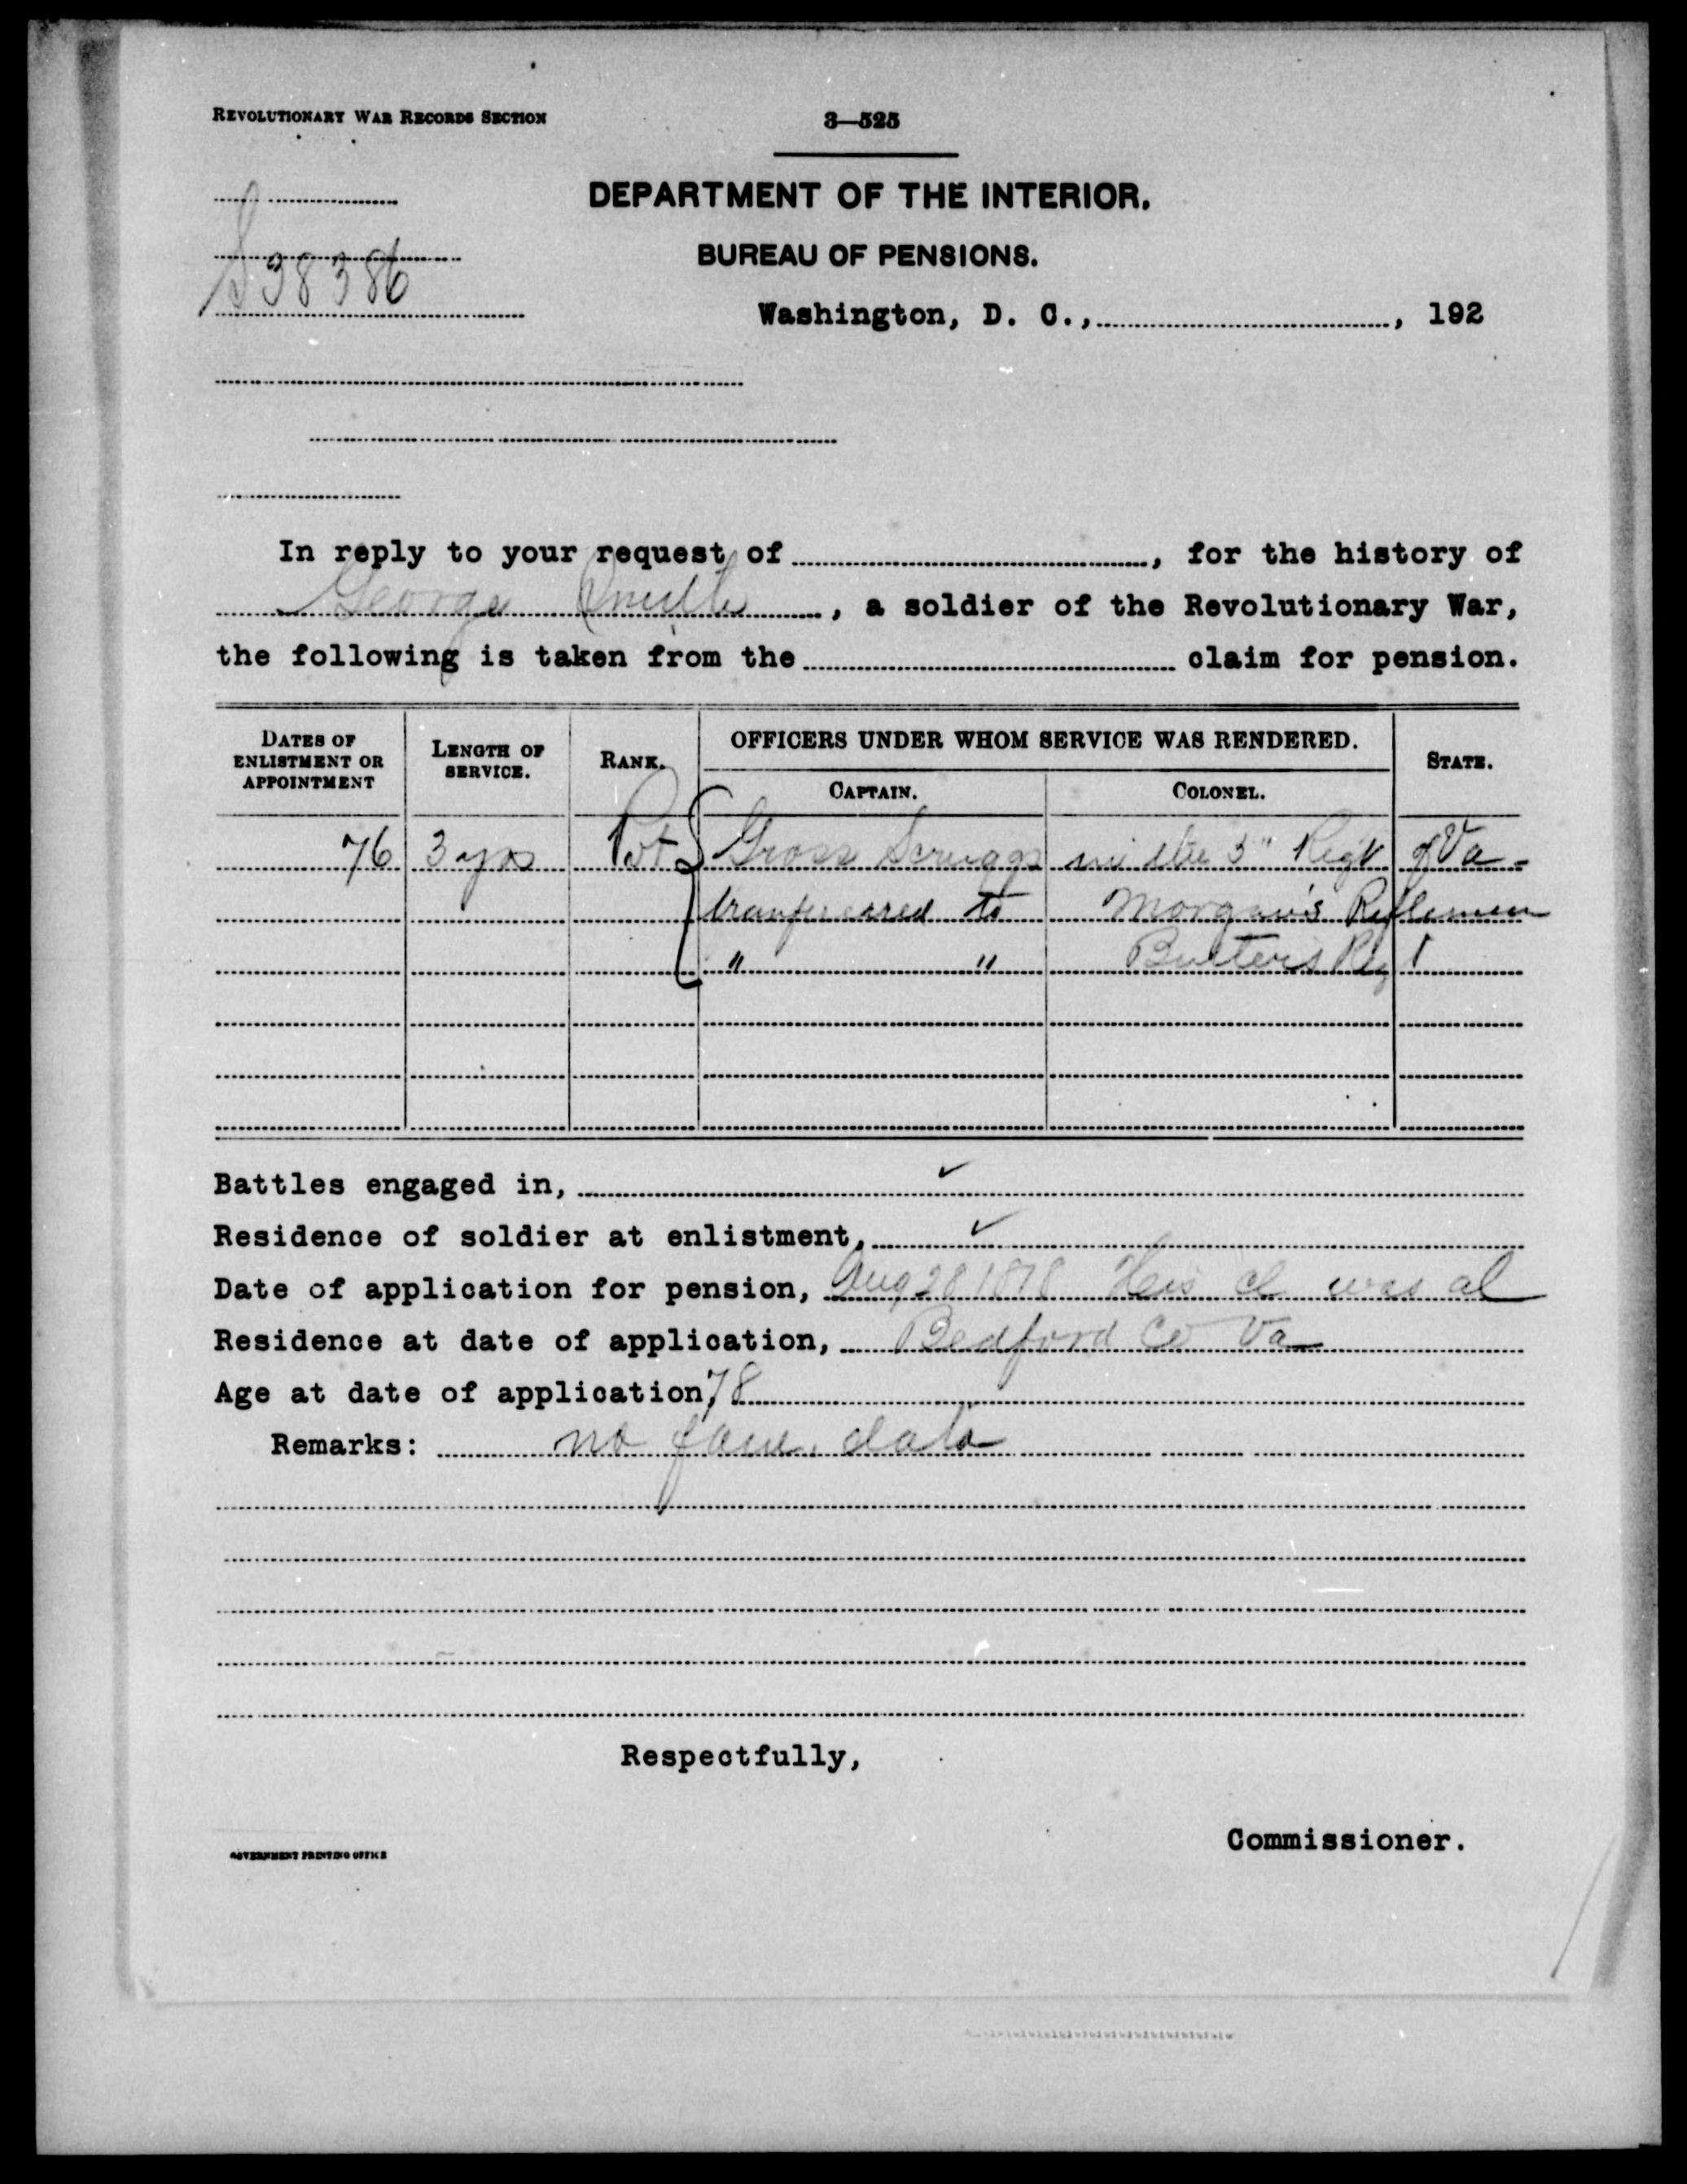REVOLUTIONARY WAR RECORDS SECTION
3-525
DEPARTMENT OF THE INTERIOR,
BUREAU OF PENSIONS.
Washington, D. C., ____________, 192
S38386
In reply to your request of ___, for the history of George Smith, a soldier of the Revolutionary War, the following is taken from the ______ claim for pension.
DATES OF ENLISTMENT OR APPOINTMENT 76
LENGTH OF SERVICE. 3 yrs
RANK. Pvt
OFFICERS UNDER WHOM SERVICE WAS RENDERED. CAPTAIN.|COLONEL.
Gross Scruggs in the 5th Regt of Va.
 transferred to Morgan's Riflemen 
" " Butler's Regt. 
Battles engaged in,  ✓
Residence of soldier at enlistment. √
Date of application for pension, Aug 28 1818 His cl was al
Residence at date of application, Bedford Co. Va
Age at date of application 78
Remarks: no fam. data 
Respectfully,
Commissioner.
COVERNMENT PENSION OFFICE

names: Gross Scruggs; George Smith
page: 13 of 16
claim: survivor's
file: S. 38,386, for George Smith, Virginia